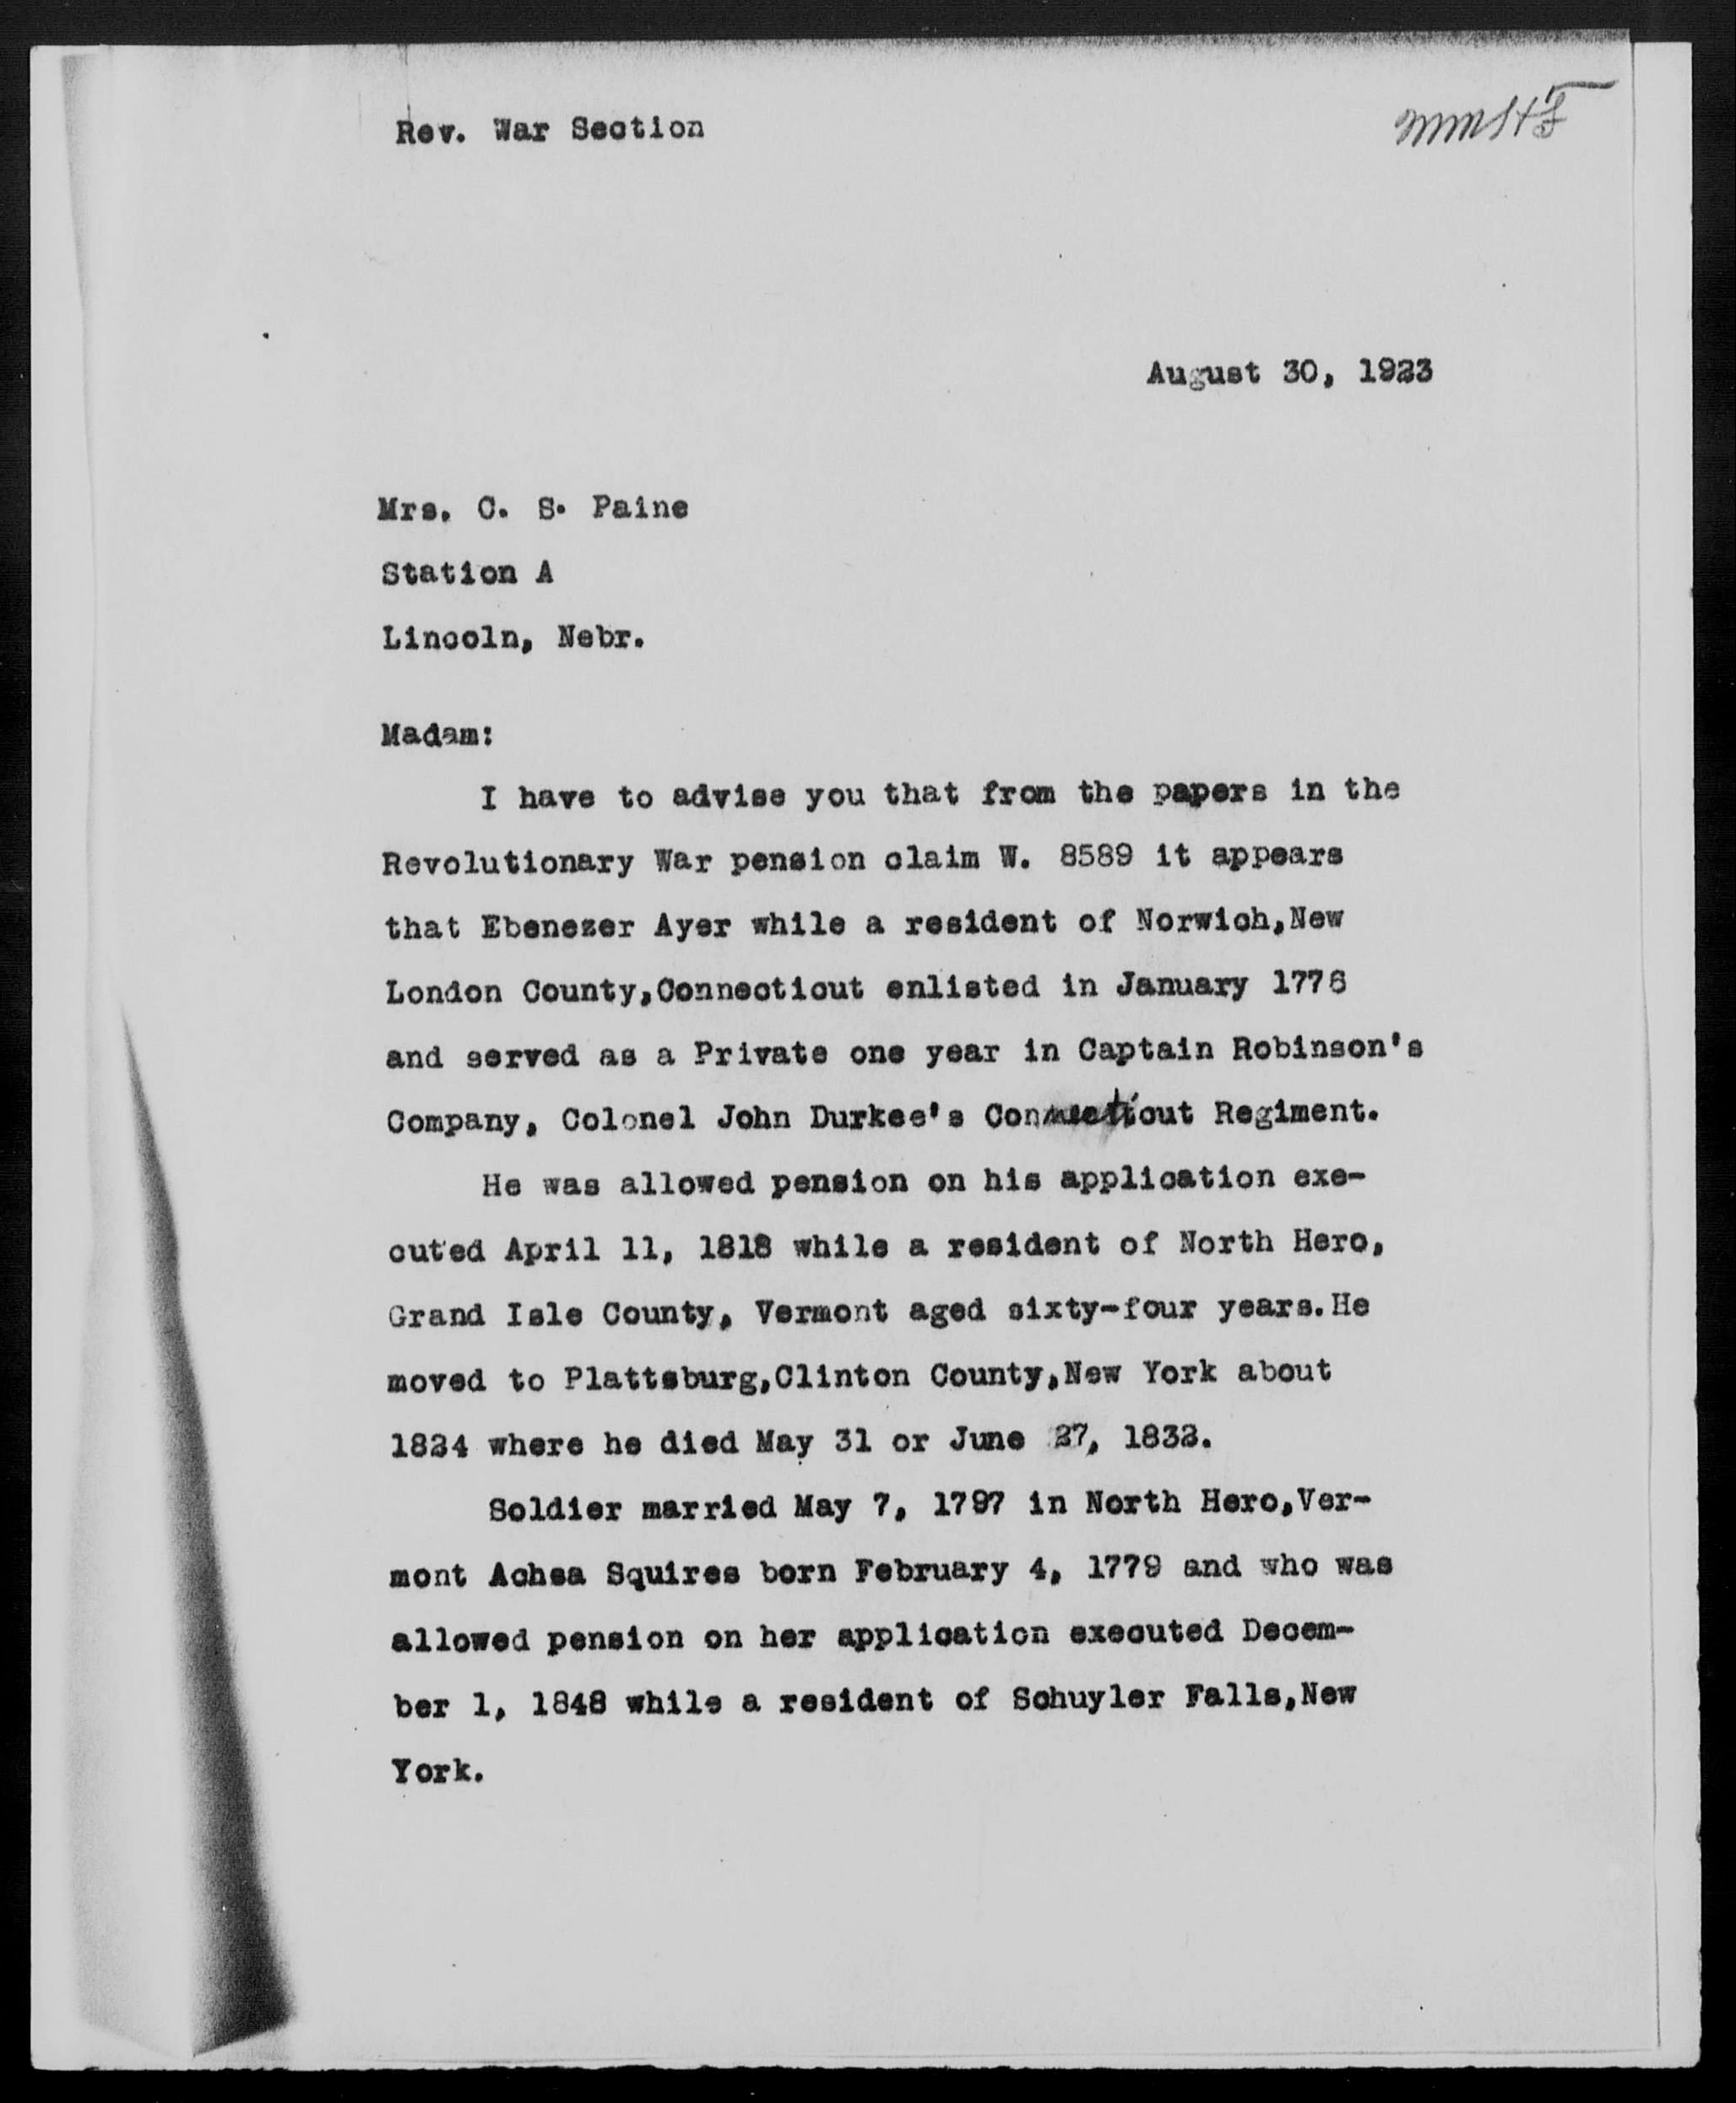Rev. War Section

August 30, 1923

Mrs. C. S. Paine
Station A
Lincoln, Nebr.

Madam:
I have to advise you that from the papers in the Revolutionary War pension claim W. 8589 it appears that Ebenezer Ayer while a resident of Norwich, New London County, Connecticut enlisted in January 1776 and served as a Private one year in Captain Robinson's Company, Colonel John Durkee's Connecticut Regiment.
He was allowed pension on his application executed April 11, 1818 while a resident of North Hero, Grand Isle County, Vermont aged sixty-four years. He moved to Plattsburg, Clinton County, New York about 1824 where he died May 31 or June 27, 1832.
Soldier married May 7, 1797 in North Hero, Vermont Achsa Squires born February 4, 1779 and who was allowed pension on her application executed December 1, 1848 while a resident of Schuyler Falls, New York.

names: Ebenezer Ayer, Achsa Squires, John Durkee, C S Paine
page: 19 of 50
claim: widow's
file: W. 8559, Ebenezer Ayer, Continental (Conn)